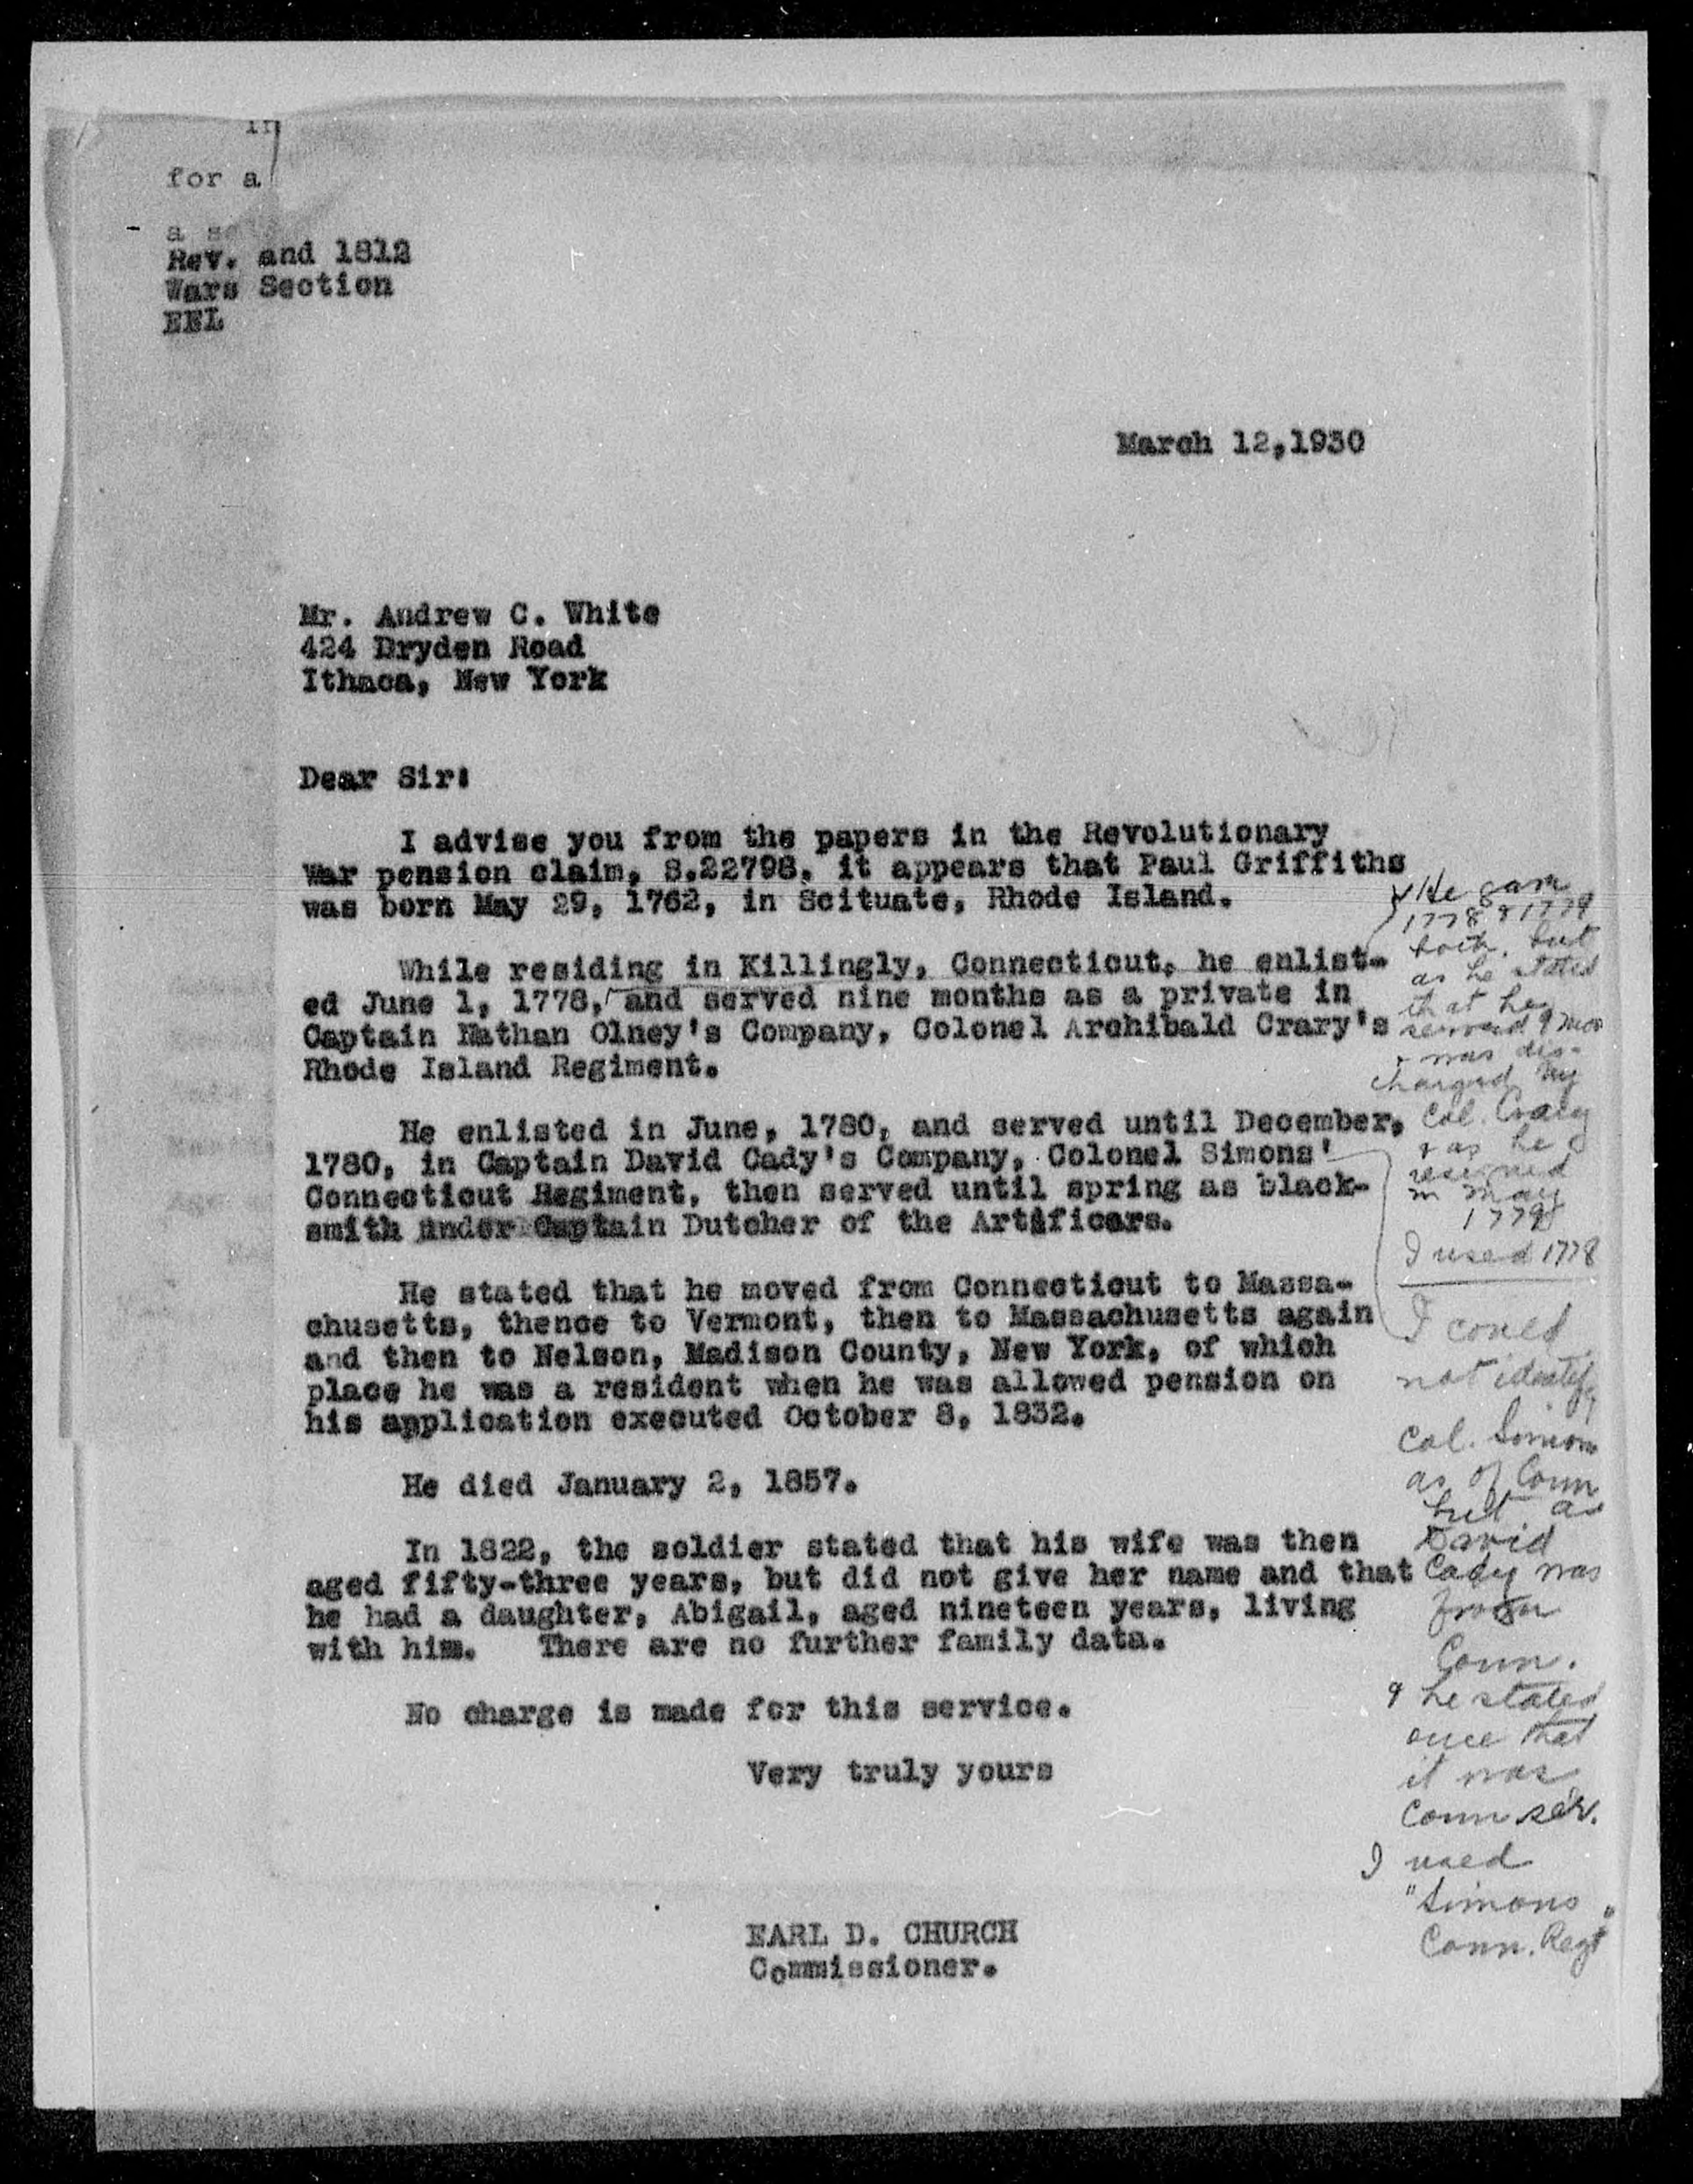for a 
Rev. and 1812 Wars Section EEL March 12, 1930 Mr. Andrew C. White 424 Dryden Road Ithaca, New York Dear Sir: I advise you from the papers in the Revolutionary War pension claim, S. 22796, it appears that Paul Griffiths was b born May 29, 1762, in Scituate, Rhode Island. While residing in Killingly, Connecticut, he enlisted June 1, 1778, (hand written marginalia: He gave 1778 & 1779 Both but as he stated it at he served 9 mos & was discharged by Col. Crary & as he resigned in May 1779, I used 1778), and served nine months as a private in Captain Nathan Olney's Company, Colonel Archibald Crary's Rhode Island Regiment. He enlisted in June, 1780, and served until December, 1780, in Captain David Cady's Company, Colonel Simons' Connecticut Regiment, (hand written marginalia: I could not identify Col. Simons as of Conn but as David Cady was from Conn. & he stated once that it was Conn. ser. I used "Simon's Conn. Regt."), then served until spring as blacksmith under Captain Dutcher of the Artificers. He stated that he moved from Connecticut to Massachusetts, thence to Nelson, Madison County, New York, of which place he was a resident when he was allowed pension on his application executed October 8, 1832. He died January 2, 1857. In 1822, the soldier stated that his wife was then aged fifty-three years, but did not give her name and that he had a daughter, Abigail, aged nineteen years, living with him. There are no further family data. No charge is made for this service. Very truly yours EARL D. CHURCH Commissioner.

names: Paul Griffiths, Abigail, David Cady, Dutcher, Andrew C White, Earl D Church, Simons, Crary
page: 27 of 61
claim: survivor's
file: S. 22798, Paul Griffiths, R.I.